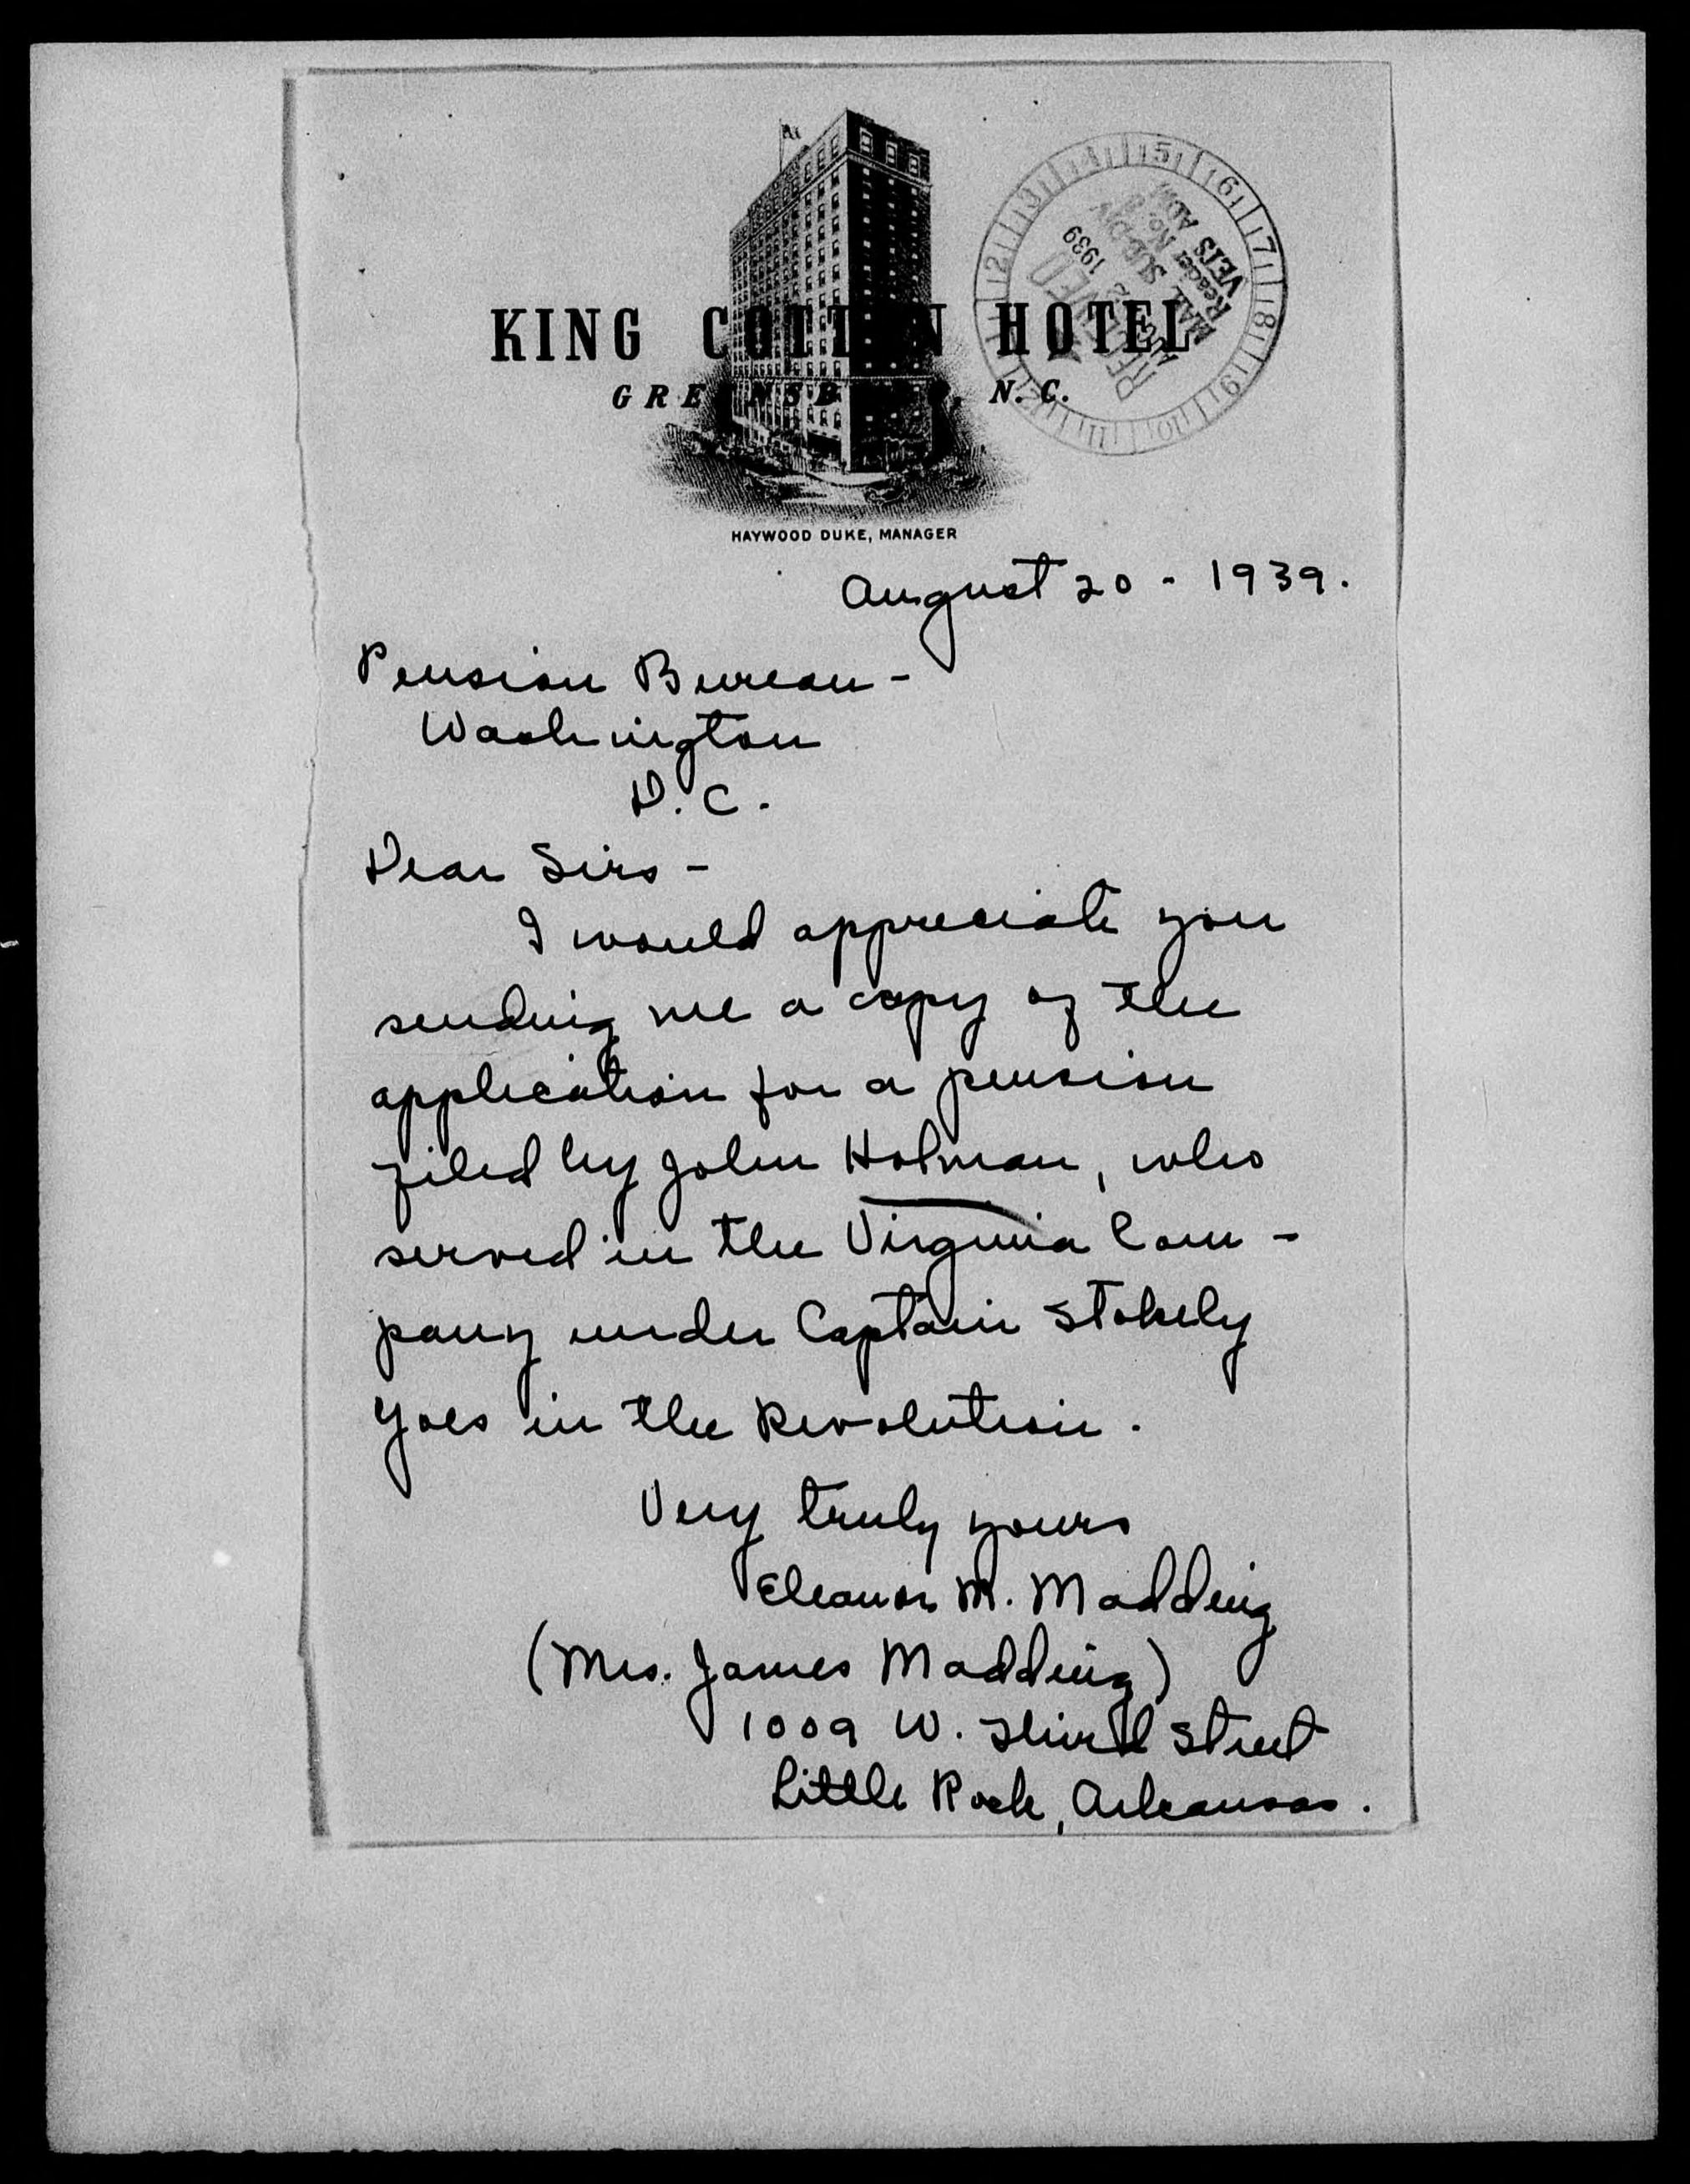[stationary heading]
KING CHARLES HOTEL
GREENSBORO N. C.
Haywood Duke, Manager
August 20, 1939
Pension Bureau
Washington D.C,
Dear Sirs- I would appreciate you 
sending me a copy of the 
application for a pension
filed by John Holman, who 
served in the Virginia company 
under Captain Stokely Yoes in the 
Revolution.
Very truly yours
Eleanor M. Madding
(Mrs. James Madding)
1009 W. Third  Street
Little Rock, Arkansas
[round black ink stamp]
RECEIVED 
AUG 2 1939
MAIL SUB-DIV
Reader No. 8
VETS ADM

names: Haywood Duke, James Madding, Stokely Yoes, John Holman, Eleanor M Madding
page: 21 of 30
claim: survivor's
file: S. 31753, John Holman, Va.